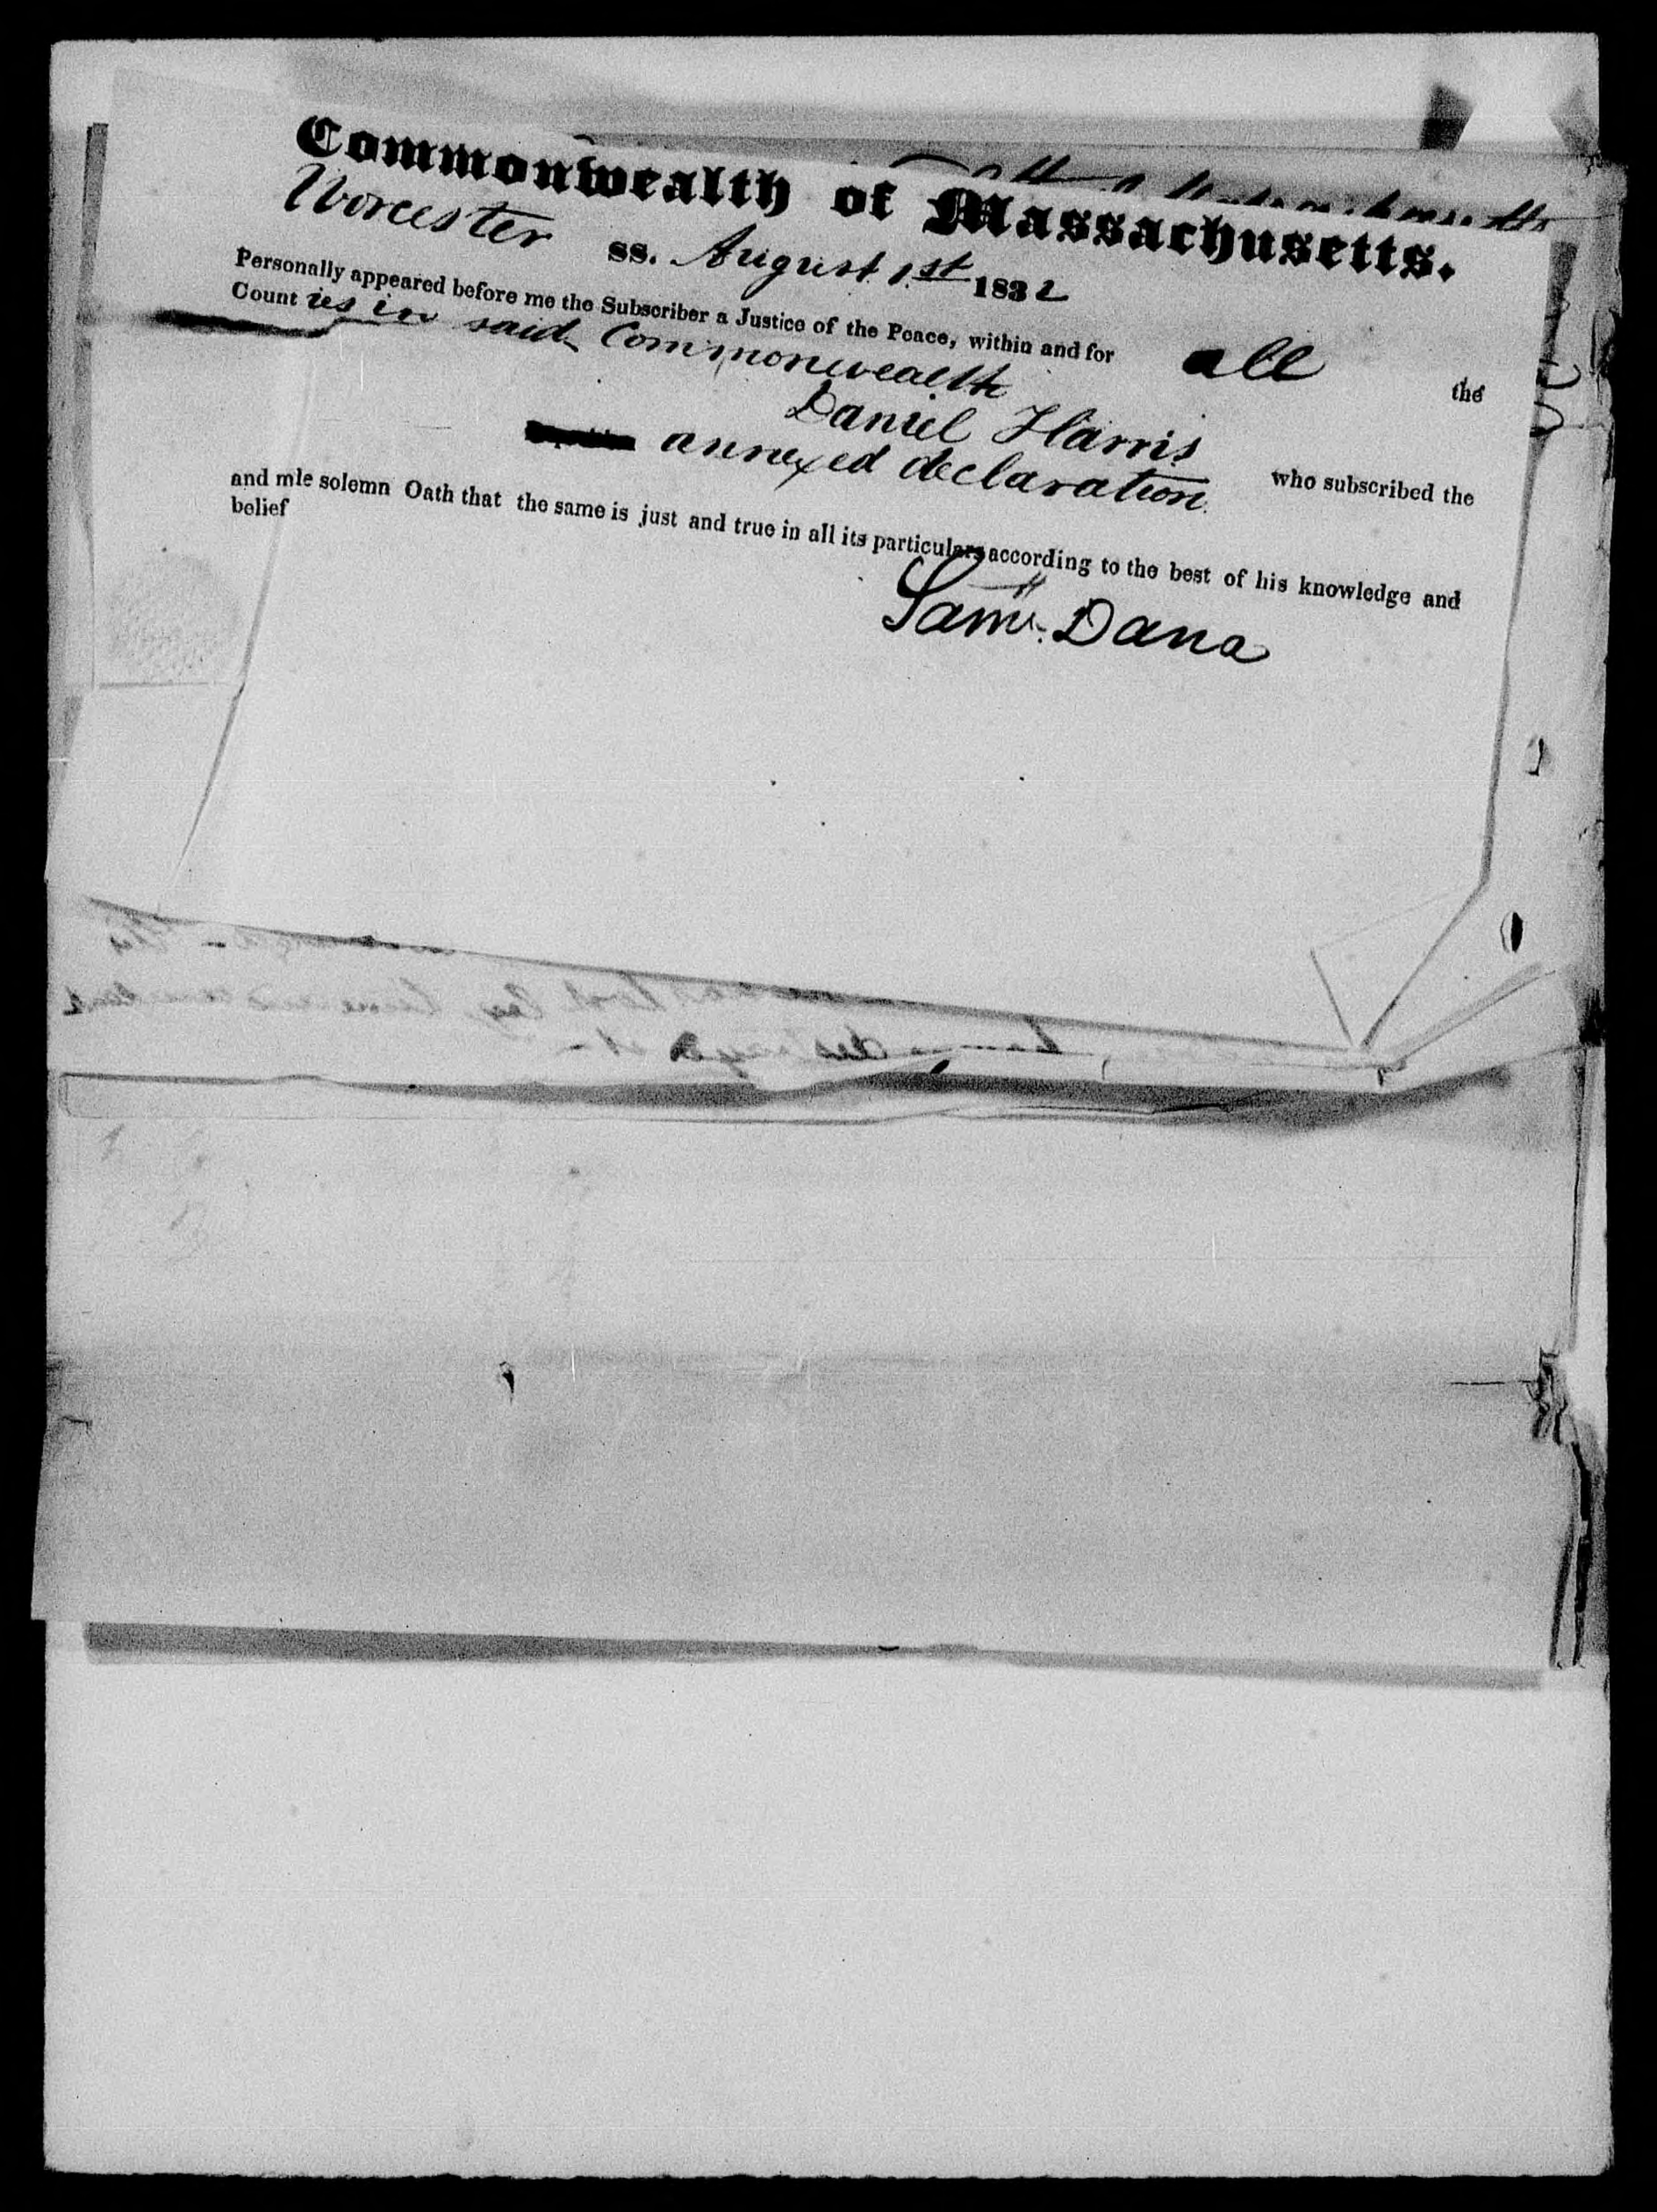Commonwealth of Massachusetts
Worcester SS. August 1st 1832

Personally appeared before me the Subscriber a Justice of hte Peace, within and for all the counties in said Commonwealth Daniel Harris who subscribed the annexed declaration and mle solemn Oath that the same is just and true in all its particular according to the best of his knowledge and belief

James Dana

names: Saml Dana, Daniel Harris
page: 6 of 68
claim: survivor's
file: S. 29,877, Daniel Harris, Mass.